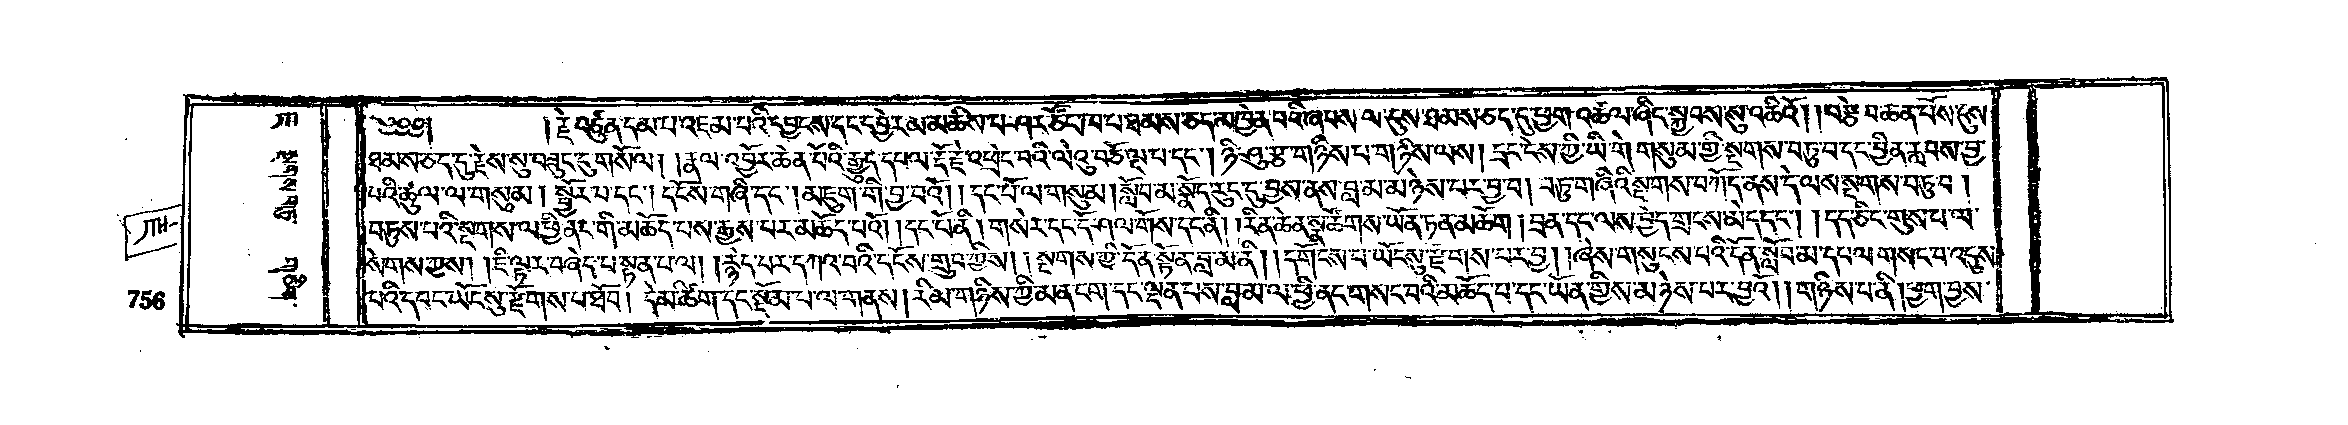༄༅༅། །རྗེ་བཙུན་དམ་པ་འཇམ་པའི་དབྱངས་དང་དབྱེར་མ་མཆིས་པ་ཤར་ཙོང་ཁ་པ་ཐམས་ཅད་མཁྱེན་པའི་ཞབས་ལ་དུས་ཐམས་ཅད་དུ་ཕྱག་འཚལ་ཞིང་སྐྱབས་སུ་འཆིའོ། །བརྩེ་བ་ཆེན་པོས་དུས་
ཐམས་ཅད་དུ་རྗེས་སུ་བཟུང་དུ་གསོལ། །རྣལ་འབྱོར་ཆེན་པོའི་རྒྱུད་དཔལ་རྡོ་རྗེ་འཕྲེང་བའི་ལེའུ་བཅོ་ལྔ་པ་དང་། ཉི་ཤུ་རྩ་གཉིས་པ་གཉིས་ལས། དྲང་ངེས་ཀྱི་ཡི་གེ་གསུམ་གྱི་སྔགས་བཏུ་བ་དང་བྱིན་རླབས་བྱ་
བའི་ཚུལ་ལ་གསུམ། སྦྱོར་བ་དང་། དངོས་གཞི་དང་། མཇུག་གི་བྱ་བའོ། །དང་པོ་ལ་གསུམ། སློབ་མ་སྣོད་རུང་དུ་བྱས་ནས་བླ་མ་མཉེས་པར་བྱ་བ། བཏུ་གཞིའི་སྔགས་བཀོད་ནས་དེ་ལས་སྔགས་བཏུ་བ།
བཏུས་པའི་སྔགས་ལ་ཕྱི་ནང་གི་མཆོད་པས་རྒྱས་པར་མཆོད་པའོ། །དང་པོ་ནི། གསེར་དང་དོ་ཤལ་གོས་དང་ནི། །རིན་ཆེན་སྣ་ཚོགས་ཡོན་ཏན་མཆོག །བྲན་དང་ལས་བྱེད་གྲངས་མེད་དང་། །དད་ཅིང་གུས་པ་ལ་
སོགས་ཀྱིས། །ཇི་ལྟར་བཞེད་པ་སྟན་པ་ལ། །རྙེད་པར་དཀའ་བའི་དངོས་གྲུབ་ཀྱིས། །སྔགས་ཀྱི་དོན་སྟོན་བླ་མ་ནི། །དགོངས་པ་ཡོངས་སུ་རྫོགས་པར་བྱ། །ཞེས་གསུངས་པའི་དོན་སློབ་མ་དཔལ་གསང་བ་འདུས་
པའི་དབང་ཡོངས་སུ་རྫོགས་པ་ཐོབ། དམ་ཚིག་དང་སྡོམ་པ་ལ་གནས། རིམ་གཉིས་ཀྱི་མན་ངག་དང་ལྡན་པས་བླ་མ་ལ་ཕྱི་ནང་གསང་བའི་མཆོད་པ་དང་ཡོན་གྱིས་མཉེས་པར་བྱའོ། །གཉིས་པ་ནི། ཕྱག་བྱས་